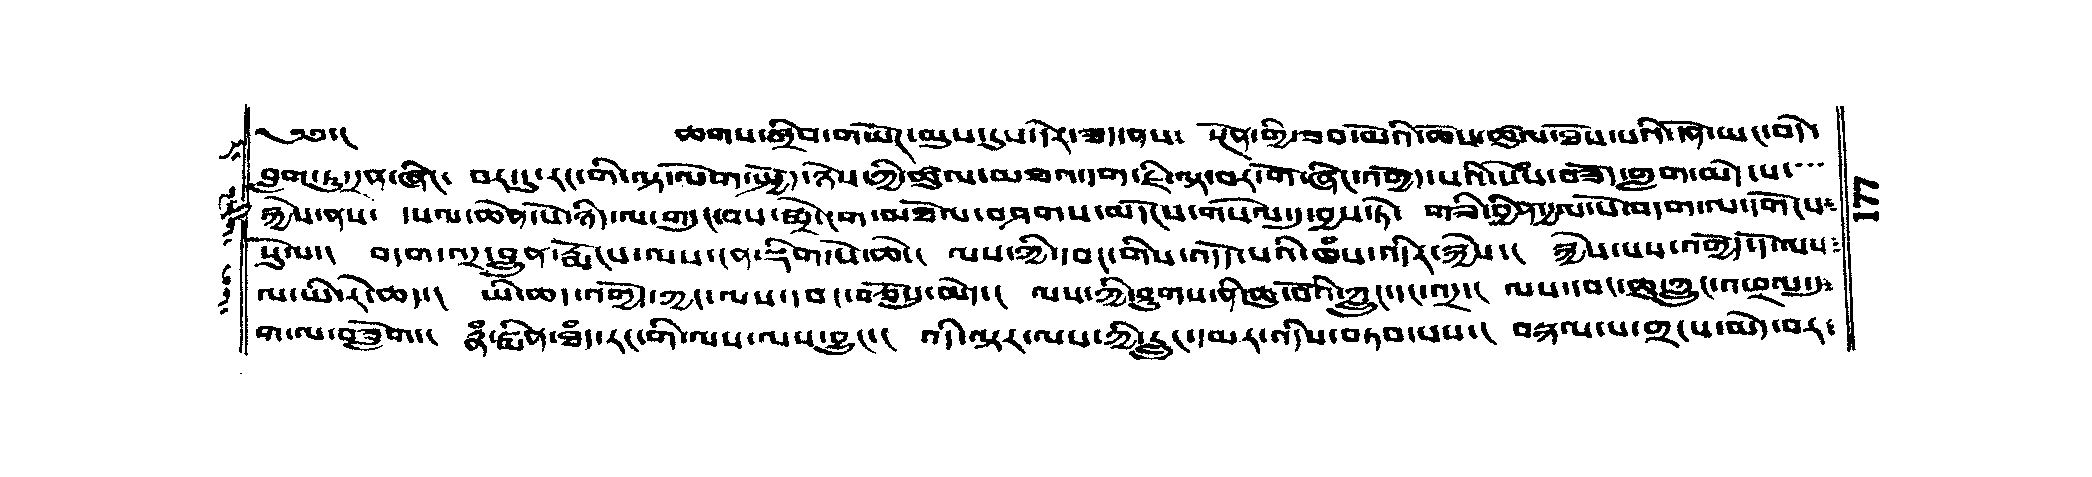ཆགས་སྒྲིབ་གཡོགས་མུས་དུས་དེར་ཟད་ནས། སྔོན་གྱི་ཟབ་མོའི་ཆོས་ཚུལ་ཐོབས་པའི་དོན་ཡང་བདེ་
བླག་ཏུ་དྲན་ཞིང་། བར་དུ་རང་གི་ལྟ་ལོག་སྤྱོད་ཉེས་ཀྱི་ཚུལ་མཐའ་དག་ཇི་ལྟར་བར་གོ་ཞིང་འགྱོད་པའི་སེམས་བཅོད་གླག་མེད་པ་
སྐྱེས་ནས། དཔལ་ཆེན་པོ་ཉིད་ལ་གདུང་བས་སྨྲེ་ངག་མཐེལ་བཤགས་མདོངས་གསོལ་དུ་བྱས་ཏེ།གཟི་བྱིན་རྒྱལ་པོ་བདག་ལ་དགོངས་
སུ་གསོལ། བདག་འདྲ་བླུན་རྨོངས་ལས་ངན་སྡིག་པོ་ཆེ། ལས་ཀྱི་དབང་གིས་འདོད་པའི་ཁམས་འདིར་སྐྱེས། སྐྱེས་པས་འགྱོད་དོ་ལས་
ལ་ཡི་རེ་ཆད། ཡི་ཆད་འགྱོད་ཀྱང་ལས་དབང་བཅོས་སུ་མེད། ལས་ཀྱི་ཤུགས་ནི་ཆུ་བོའི་ཀླུང་དང་འདྲ། ལས་དབང་ཆུ་ཀླུང་འཕྲལ་དུ་
ག་ལ་བཟློག རྣམ་སྨིན་ཐམས་ཅད་རང་གི་ལས་ལས་བྱུང་། འདི་ལྟར་ལས་ཀྱི་རླུང་དམར་འདིས་བཏབ་པས། བསྐལ་པ་གྲངས་མེད་བར་